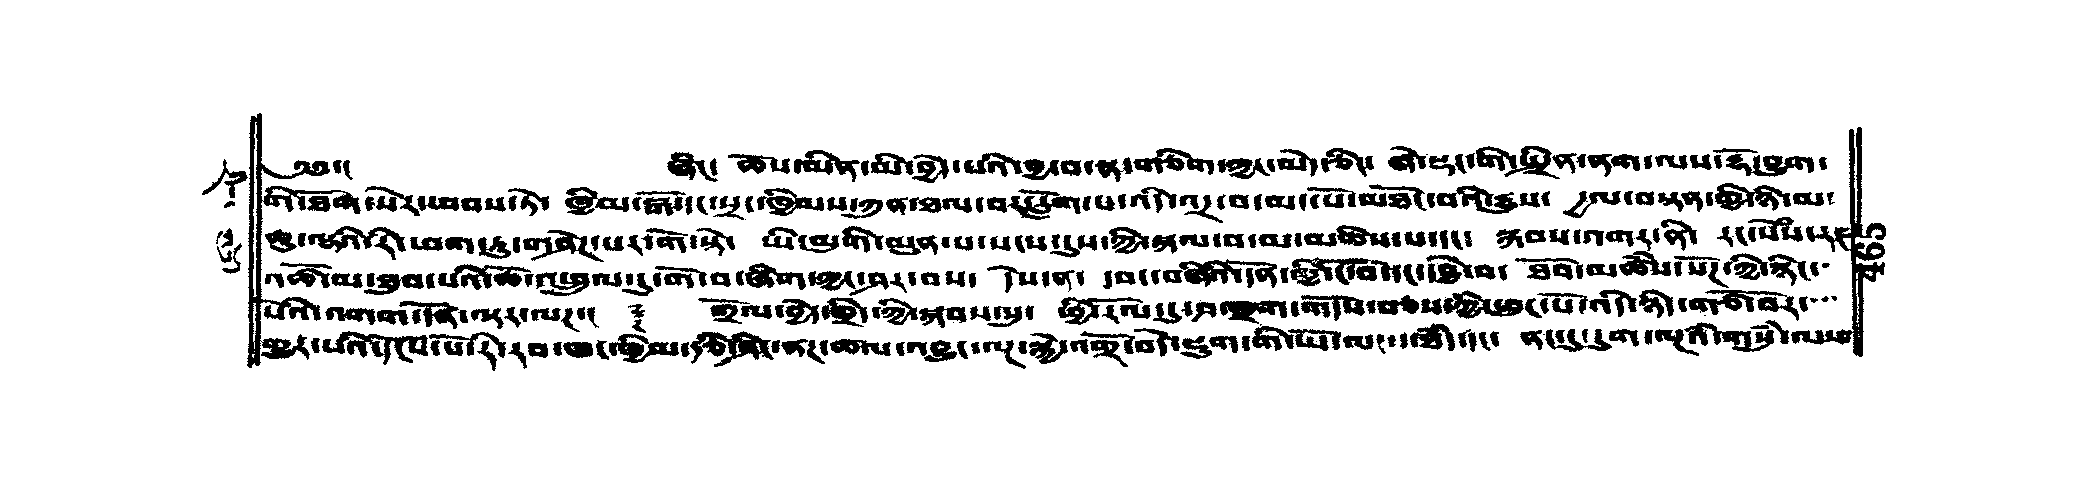ཞིང་། ཆོས་མིན་མི་བྱེད་པའི་བྱ་བ་སྣ་གཅིག་ཀྱང་མེད་ཅིང་། ཞེ་སྡང་གི་སྤྲིན་ནག་ལས་རྡོད་བྱུག་
གི་ཐོག་སེར་ཕབས་ཏེ། ཁྱིམ་སྒོ་དང་སྲང་ཁྱམས་ཀུན་ཐལ་བར་རློག་པ་འདི་འདྲ་བ་མང་པོ་མཐོང་བའི་རྒྱུས། རྒྱལ་བསྟན་གྱི་ཉི་མ་
ཆུ་ལྷའི་རི་ཕག་ཏུ་གཤེགས་པར་གོ་སྟེ། ཡི་མུག་གི་མུན་པ་སངས་དུས་ཀྱི་སྐལ་བ་མ་མཆིས་པ་དང་། སྐབས་འགར་ནི། རང་སེམས་རང་
འཚོ་མ་ཐུབ་པའི་ཆོ་འཕྲུལ་དུ་གོ་བ་ཞིག་ཀྱང་ཤར་བས། དེས་ན་དབང་བཞིའི་དོན་གྱི་ངོ་བོ་དང་དབྱེ་བ། ཐོབ་མཚམས་སོགས་ཀྱི་སྙིང་
པོའི་འགག་དོན་ལྟར་ལགས། ༈ གྲོལ་བྱེད་ཁྲིད་ཀྱི་སྐབས་སུ། ཕྱི་རོལ་དུ་ཤ་ཁྲག་གདོས་བཅས་ཀྱི་ཕུང་པོ་འདི་ཉིད་གཙོ་བོར་
གྱུར་པའི་དངོས་པོ་རི་རབ་ཁང་ཁྱིམ་རྩི་ཤིང་ནགས་ཚལ་འབྱུང་ལྔ་སྐྱེ་འགྲོ་བདེ་སྡུག་གི་ཡོ་ལང་ཐམས་ཅད་དང་། ནང་དུ་དུག་ལྔའམ་གསུམ་ལས་